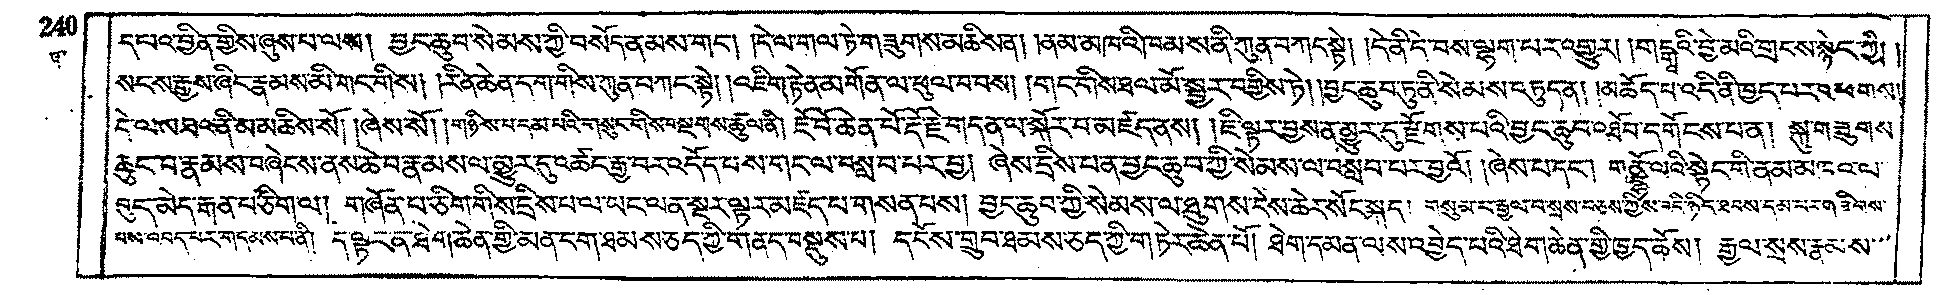དཔའ་བྱིན་གྱིས་ཞུས་པ་ལས། བྱང་ཆུབ་སེམས་ཀྱི་བསོད་ནམས་གང་། །དེ་ལ་གལ་ཏེ་གཟུགས་མཆིས་ན། །ནམ་མཁའི་ཁམས་ནི་ཀུན་བཀང་སྟེ། །དེ་ནི་དེ་བས་ལྷག་པར་འགྱུར། །གངྒཱའི་བྱེ་མའི་གྲངས་སྙེད་ཀྱི། །
སངས་རྒྱས་ཞིང་རྣམས་མི་གང་གིས། །རིན་ཆེན་དག་གིས་ཀུན་བཀང་སྟེ། །འཇིག་རྟེན་མགོན་ལ་ཕུལ་བ་བས། །གང་གིས་ཐལ་མོ་སྦྱར་བགྱིས་ཏེ། །བྱང་ཆུབ་ཏུ་ནི་སེམས་བཏུད་ན། །མཆོད་པ་འདི་ནི་ཁྱད་པར་འཕགས།
དེ་ལས་ཐའ་ནི་མ་མཆིས་སོ། །ཞེས་སོ། །གཉིས་པ་དམ་པའི་གསུང་གིས་བསྔགས་ཚུལ་ནི།  ཇོ་བོ་ཆེན་པོ་རྡོ་རྗེ་གདན་ལ་སྐོར་བ་མཛད་ནས། །ཇི་ལྟར་བྱས་ན་མྱུར་དུ་རྫོགས་པའི་བྱང་ཆུབ་འཐོབ་དགོངས་པ་ན། སྐུ་གཟུགས་
ཆུང་བ་རྣམས་བཞེངས་ནས་ཆེ་བ་རྣམས་ལ་མྱུར་དུ་འཚང་རྒྱ་བར་འདོད་པས་གང་ལ་བསླབ་པར་བྱ། ཞེས་དྲིས་པ་ན་བྱང་ཆུབ་ཀྱི་སེམས་ལ་བསླབ་པར་བྱའོ། །ཞེས་པ་དང་། གནྡྷོ་ལའི་སྟེང་གི་ནམ་མཁའ་ལ་
བུད་མེད་རྒན་པ་ཅིག་ལ། གཞོན་པ་ཅིག་གིས་དྲིས་པ་ལ་ཡང་ལན་སྔར་ལྟར་མཛད་པ་གསན་པས། བྱང་ཆུབ་ཀྱི་སེམས་ལ་ཐུགས་ངེས་ཆེར་སོང་སྐད། གསུམ་པ་རྒྱལ་བ་སྲས་བཅས་ཀྱིས་འདི་ཉིད་ཐབས་དམ་པར་གཟིགས་
པས་འབད་པར་གདམས་པ་ནི། དེ་ལྟར་ན་ཐེག་ཆེན་གྱི་མན་ངག་ཐམས་ཅད་ཀྱི་གནད་བསྡུས་པ། དངོས་གྲུབ་ཐམས་ཅད་ཀྱི་གཏེར་ཆེན་པོ། ཐེག་དམན་ལས་འབྱེད་པའི་ཐེག་ཆེན་གྱི་ཁྱད་ཆོས། རྒྱལ་སྲས་རྣམས་